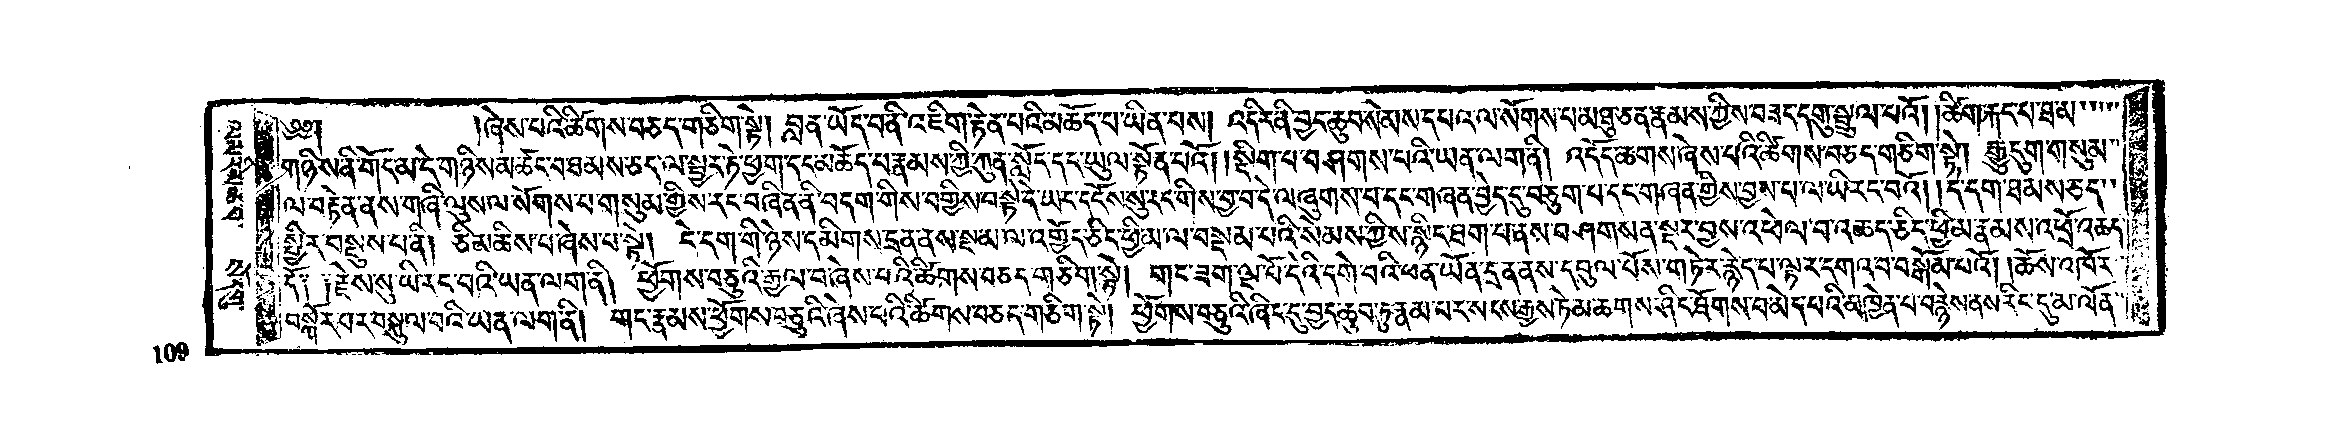༄༅། །ཞེས་པའི་ཚིགས་བཅད་གཅིག་སྟེ། བླ་ན་ཡོད་པ་ནི་འཇིག་རྟེན་པའི་མཆོད་པ་ཡིན་པས། འདིར་ནི་བྱང་ཆུབ་སེམས་དཔའ་ལ་སོགས་པ་མཐུ་ཅན་རྣམས་ཀྱིས་བཟང་དགུ་སྤྲུལ་བའོ། །ཚིག་རྐང་པ་ཐ་མ་
གཉིས་ནི་གོང་མ་དེ་གཉིས་མ་ཚང་བ་ཐམས་ཅད་ལ་སྦྱར་ཏེ་ཕྱག་དང་མཆོད་པ་རྣམས་ཀྱི་ཀུན་སློང་དང་ཡུལ་སྟོན་པའོ། །སྡིག་པ་བཤགས་པའི་ཡན་ལག་ནི། འདོད་ཆགས་ཞེས་པའི་ཚིགས་བཅད་གཅིག་སྟེ། རྒྱུ་དུག་གསུམ་
ལ་བརྟེན་ནས་གཞི་ལུས་ལ་སོགས་པ་གསུམ་གྱིས་རང་བཞིན་ནི་བདག་གིས་བགྱིས་པ་སྟེ་དེ་ཡང་དངོས་སུ་རང་གིས་བྱ་བ་དེ་ལ་ཞུགས་པ་དང་གཞན་བྱེད་དུ་བཅུག་པ་དང་གཞན་གྱིས་བྱས་པ་ལ་ཡི་རང་བའོ། །དེ་དག་ཐམས་ཅད་
སྤྱིར་བསྡུས་པ་ནི། ཅི་མཆིས་པ་ཞེས་པ་སྟེ། དེ་དག་གི་ཉེས་དམིགས་དྲན་ནས་སྔ་མ་ལ་འགྱོད་ཅིང་ཕྱི་མ་ལ་བསྡམ་པའི་སེམས་ཀྱིས་སྙིང་ཐག་པ་ནས་བཤགས་ན་སྔར་བྱས་འཕེལ་བ་འཆད་ཅིང་ཕྱི་མ་རྣམས་འཕྲོ་འཆད་
དོ༑ ༑རྗེས་སུ་ཡི་རང་བའི་ཡན་ལག་ནི། ཕྱོགས་བཅུའི་རྒྱལ་བ་ཞེས་པའི་ཚིགས་བཅད་གཅིག་སྟེ། གང་ཟག་ལྔ་པོ་དེའི་དགེ་བའི་ཕན་ཡོན་དྲན་ནས་དབུལ་པོས་གཏེར་རྙེད་པ་ལྟར་དགའ་བ་བསྒོམ་པའོ། །ཆོས་འཁོར་
བསྐོར་བར་བསྐུལ་བའི་ཡན་ལག་ནི། གང་རྣམས་ཕྱོགས་བཅུའི་ཞེས་པའི་ཚིགས་བཅད་གཅིག་སྟེ། ཕྱོགས་བཅུའི་ཞིང་དུ་བྱང་ཆུབ་ཏུ་རྣམ་པར་སངས་རྒྱས་ཏེ་མ་ཆགས་ཤིང་ཐོགས་པ་མེད་པའི་མཁྱེན་པ་བརྙེས་ནས་རིང་དུ་མ་ལོན་